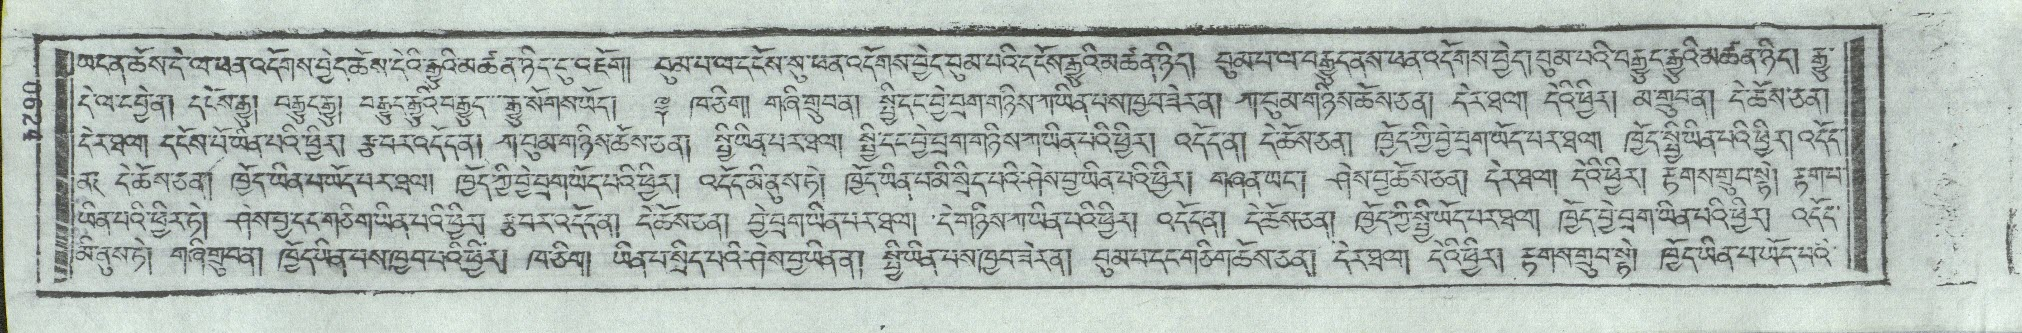ཡང་ན་ཆོས་དེ་ལ་ཕན་འདོགས་བྱེད་ཆོས་དེའི་རྒྱུའི་མཚན་ཉིད་དུ་འཇོག། བུམ་པ་ལ་དངོས་སུ་ཕན་འདོགས་བྱེད་བུམ་པའི་དངོས་རྒྱུའི་མཚན་ཉིད། བུམ་པ་ལ་བརྒྱུད་ནས་ཕན་འདོགས་བྱེད། བུམ་པའི་བརྒྱུད་རྒྱུའི་མཚན་ཉིད། རྒྱུ་
དེ་ལ་དབྱེ་ན། དངོས་རྒྱུ། བརྒྱུད་རྒྱུ། བརྒྱུད་རྒྱུའི་བརྒྱུད་རྒྱུ་སོགས་ཡོད། ༈ ཁ་ཅིག། གཞི་གྲུབ་ན། སྤྱི་དང་བྱེ་བྲག་གཉིས་ཀ་ཡིན་པས་ཁྱབ་ཟེར་ན། ཀ་བུམ་གཉིས་ཆོས་ཅན། དེར་ཐལ། དེའི་ཕྱིར། མ་གྲུབ་ན། དེ་ཆོས་ཅན།
དེར་ཐལ། དངོས་པོ་ཡིན་པའི་ཕྱིར། རྩ་བར་འདོད་ན། ཀ་བུམ་གཉིས་ཆོས་ཅན། སྤྱི་ཡིན་པར་ཐལ། སྤྱི་དང་བྱེ་བྲག་གཉིས་ཀ་ཡིན་པའི་ཕྱིར། འདོད་ན། དེ་ཆོས་ཅན། ཁྱོད་ཀྱི་བྱེ་བྲག་ཡོད་པར་ཐལ། ཁྱོད་སྤྱི་ཡིན་པའི་ཕྱིར། འདོད་
ན༑ དེ་ཆོས་ཅན། ཁྱོད་ཡིན་པ་ཡོད་པར་ཐལ། ཁྱོད་ཀྱི་བྱེ་བྲག་ཡོད་པའི་ཕྱིར། འདོད་མི་ནུས་ཏེ། ཁྱོད་ཡིན་པ་མི་སྲིད་པའི་ཤེས་བྱ་ཡིན་པའི་ཕྱིར། གཞན་ཡང་། ཤེས་བྱ་ཆོས་ཅན། དེར་ཐལ། དེའི་ཕྱིར། རྟགས་གྲུབ་སྟེ། རྟག་པ་
ཡིན་པའི་ཕྱིར་ཏེ། ཤེས་བྱ་དང་གཅིག་ཡིན་པའི་ཕྱིར། རྩ་བར་འདོད་ན། དེ་ཆོས་ཅན། བྱེ་བྲག་ཡིན་པར་ཐལ། དེ་གཉིས་ཀ་ཡིན་པའི་ཕྱིར། འདོད་ན། དེ་ཆོས་ཅན། ཁྱོད་ཀྱི་སྤྱི་ཡོད་པར་ཐལ། ཁྱོད་བྱེ་བྲག་ཡིན་པའི་ཕྱིར། འདོད་
མི་ནུས་ཏེ། གཞི་གྲུབ་ན། ཁྱོད་ཡིན་པས་ཁྱབ་པའི་ཕྱིར། ཁ་ཅིག། ཡིན་པ་སྲིད་པའི་ཤེས་བྱ་ཡིན་ན། སྤྱི་ཡིན་པས་ཁྱབ་ཟེར་ན། བུམ་པ་དང་གཅིག་ཆོས་ཅན། དེར་ཐལ། དེའི་ཕྱིར། རྟགས་གྲུབ་སྟེ། ཁྱོད་ཡིན་པ་ཡོད་པའི་